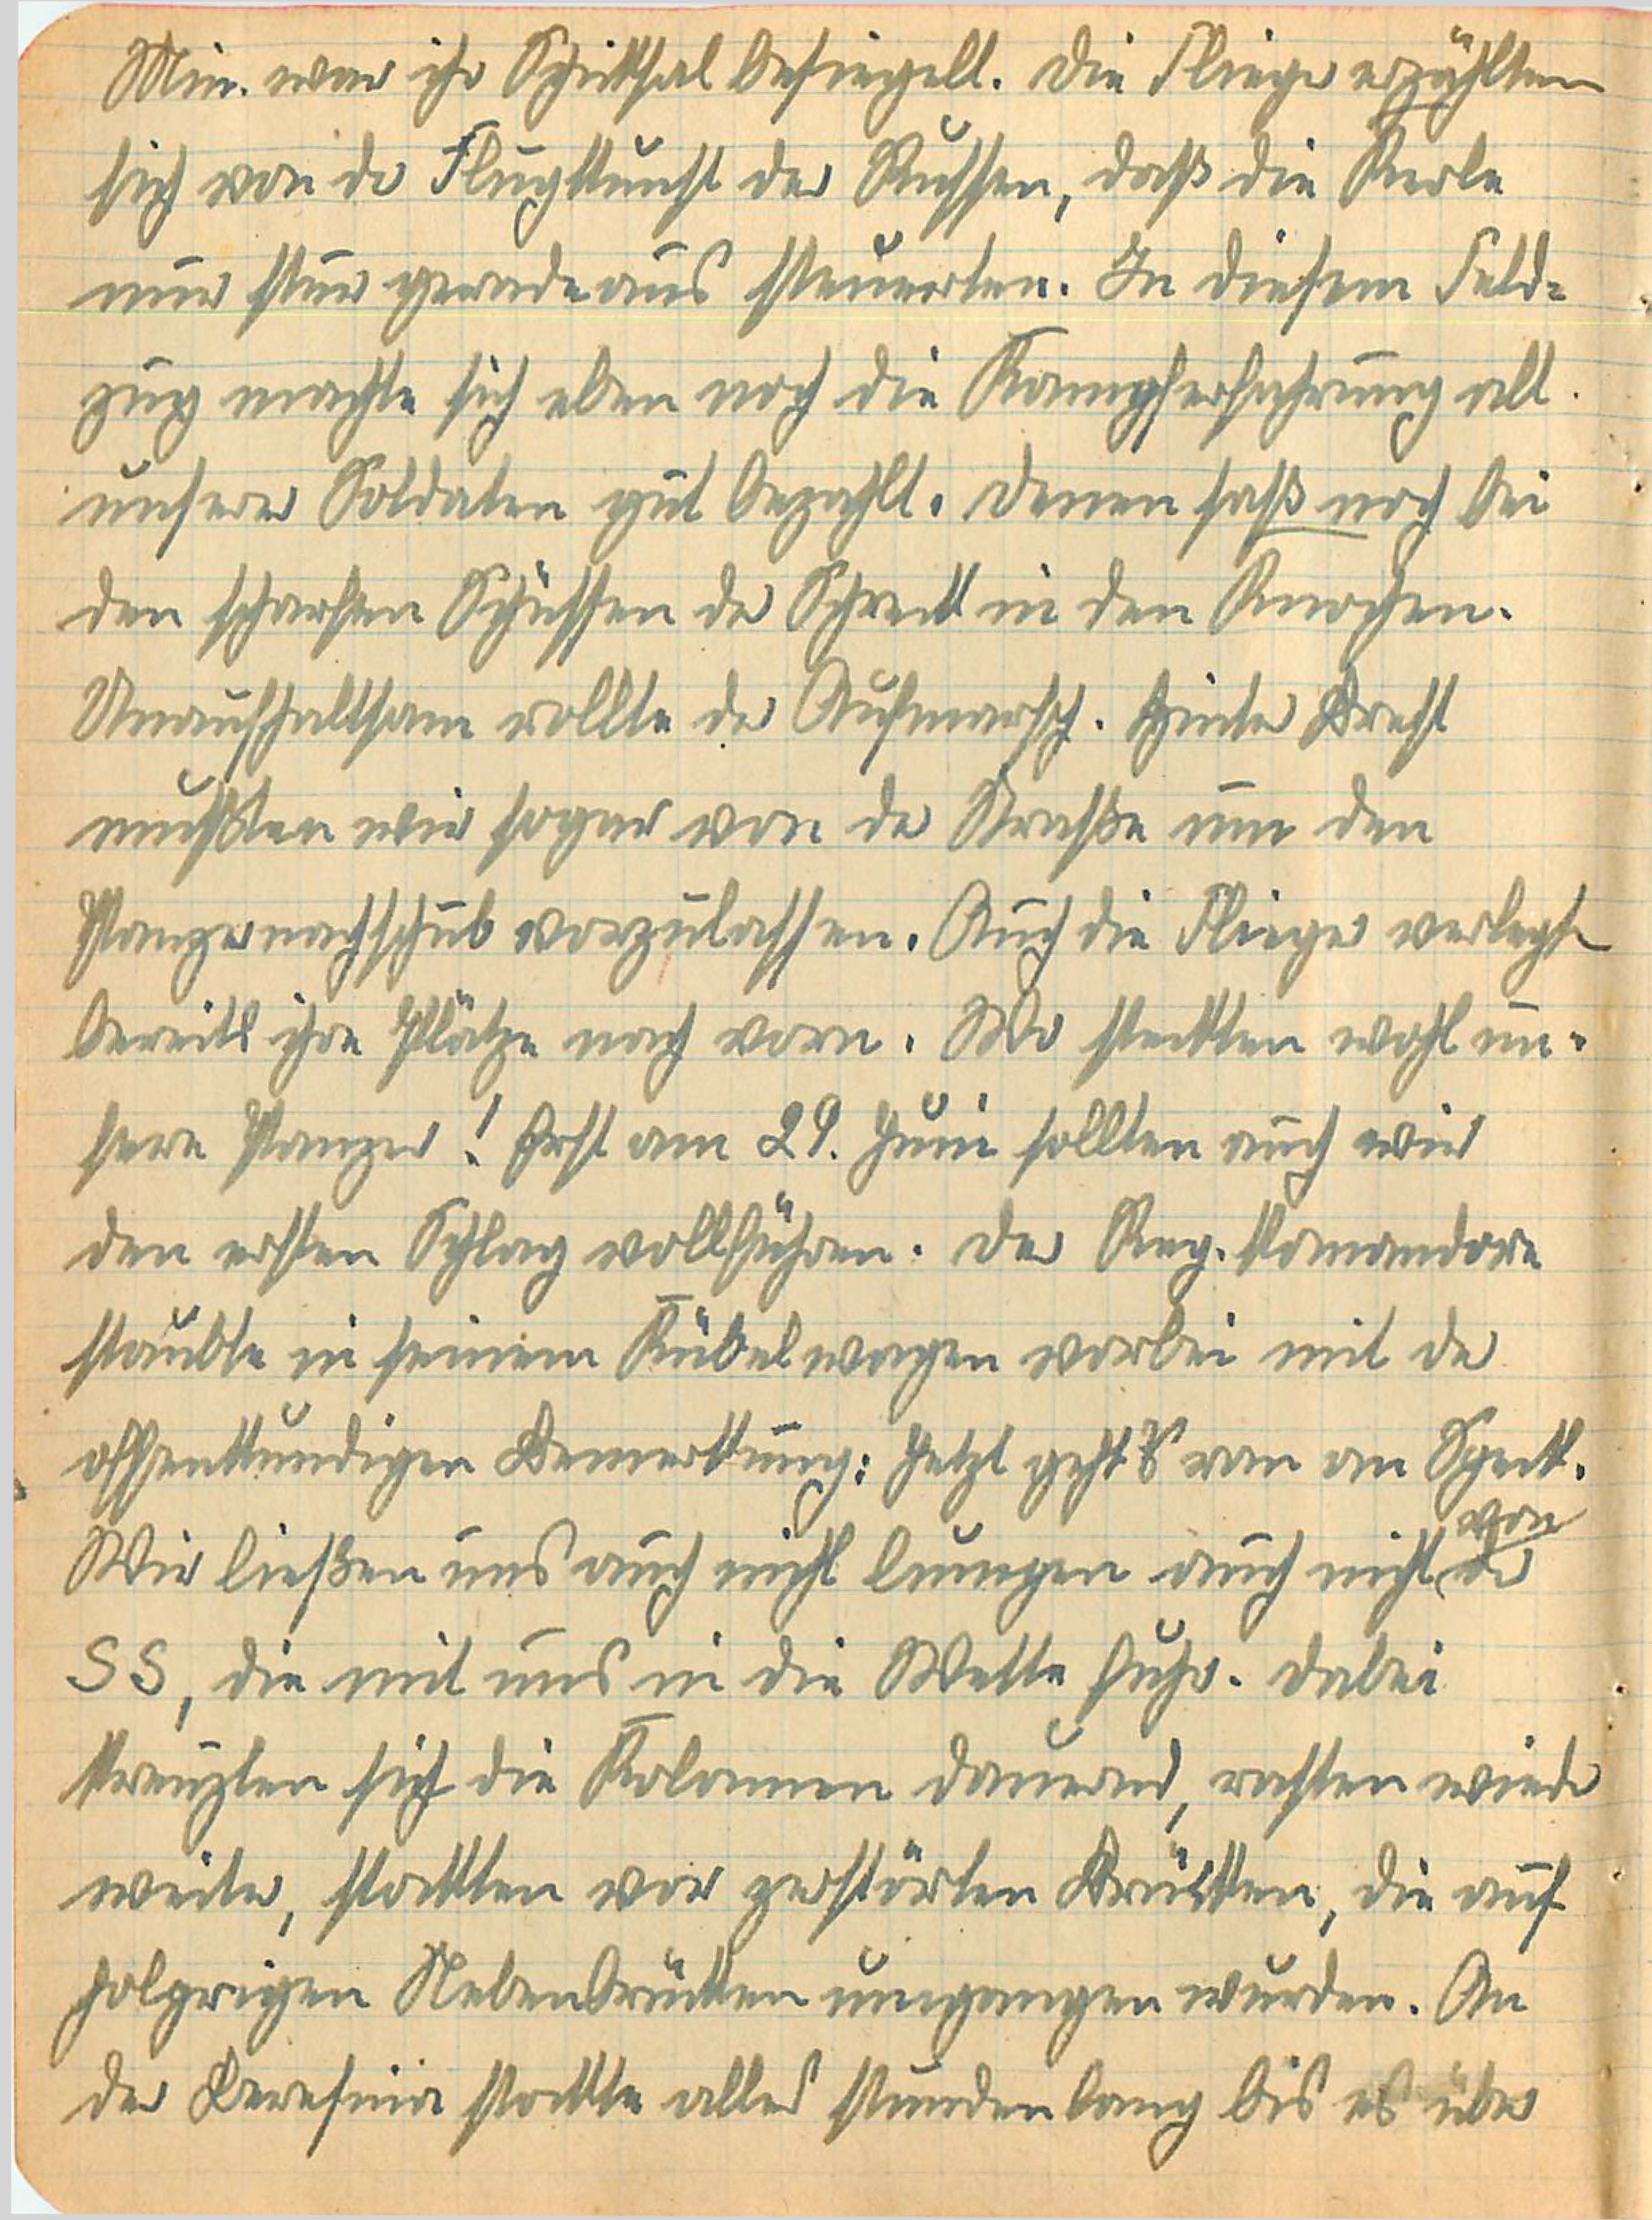Min. war ihr Schicksal besiegelt. Die Flieger erzählten
sich von der Flugkunst der Russen, daß die Kerle
nur stur geradeaus steuerten. In diesem Feld-
zug machte sich eben noch die Kampferfahrung all
unserer Soldaten gut bezahlt. Denen saß noch bei
den scharfen Schüssen der Schreck in den Knochen.
Unaufhaltsam rollte der Aufmarsch. Hinter Brest
mußten wir sogar von der Straße um den
Panzernachschub vorzulassen. Auch die Flieger verlegten
bereits ihre Plätze nach vorn. Wo steckten wohl un-
sere Panzer! Erst am 29. Juni sollten auch wir
den ersten Schlag vollführen. Der Reg.komandore
staubte in seinem Kübelwagen vorbei mit der
offenkundigen Bemerkung: Jetzt geht´s ran an Speck.
von
Wir ließen uns auch nicht lumpen auch nicht der
SS, die mit uns in die Wette fuhr. Dabei
kreuzten sich die Kolonnen dauernd, rasten wieder
weiter, stockten vor zerstörten Brücken, die auf
holprigen Nebenbrücken umgangen wurden. An
der Beresina stockte alles stundenlang bis es über